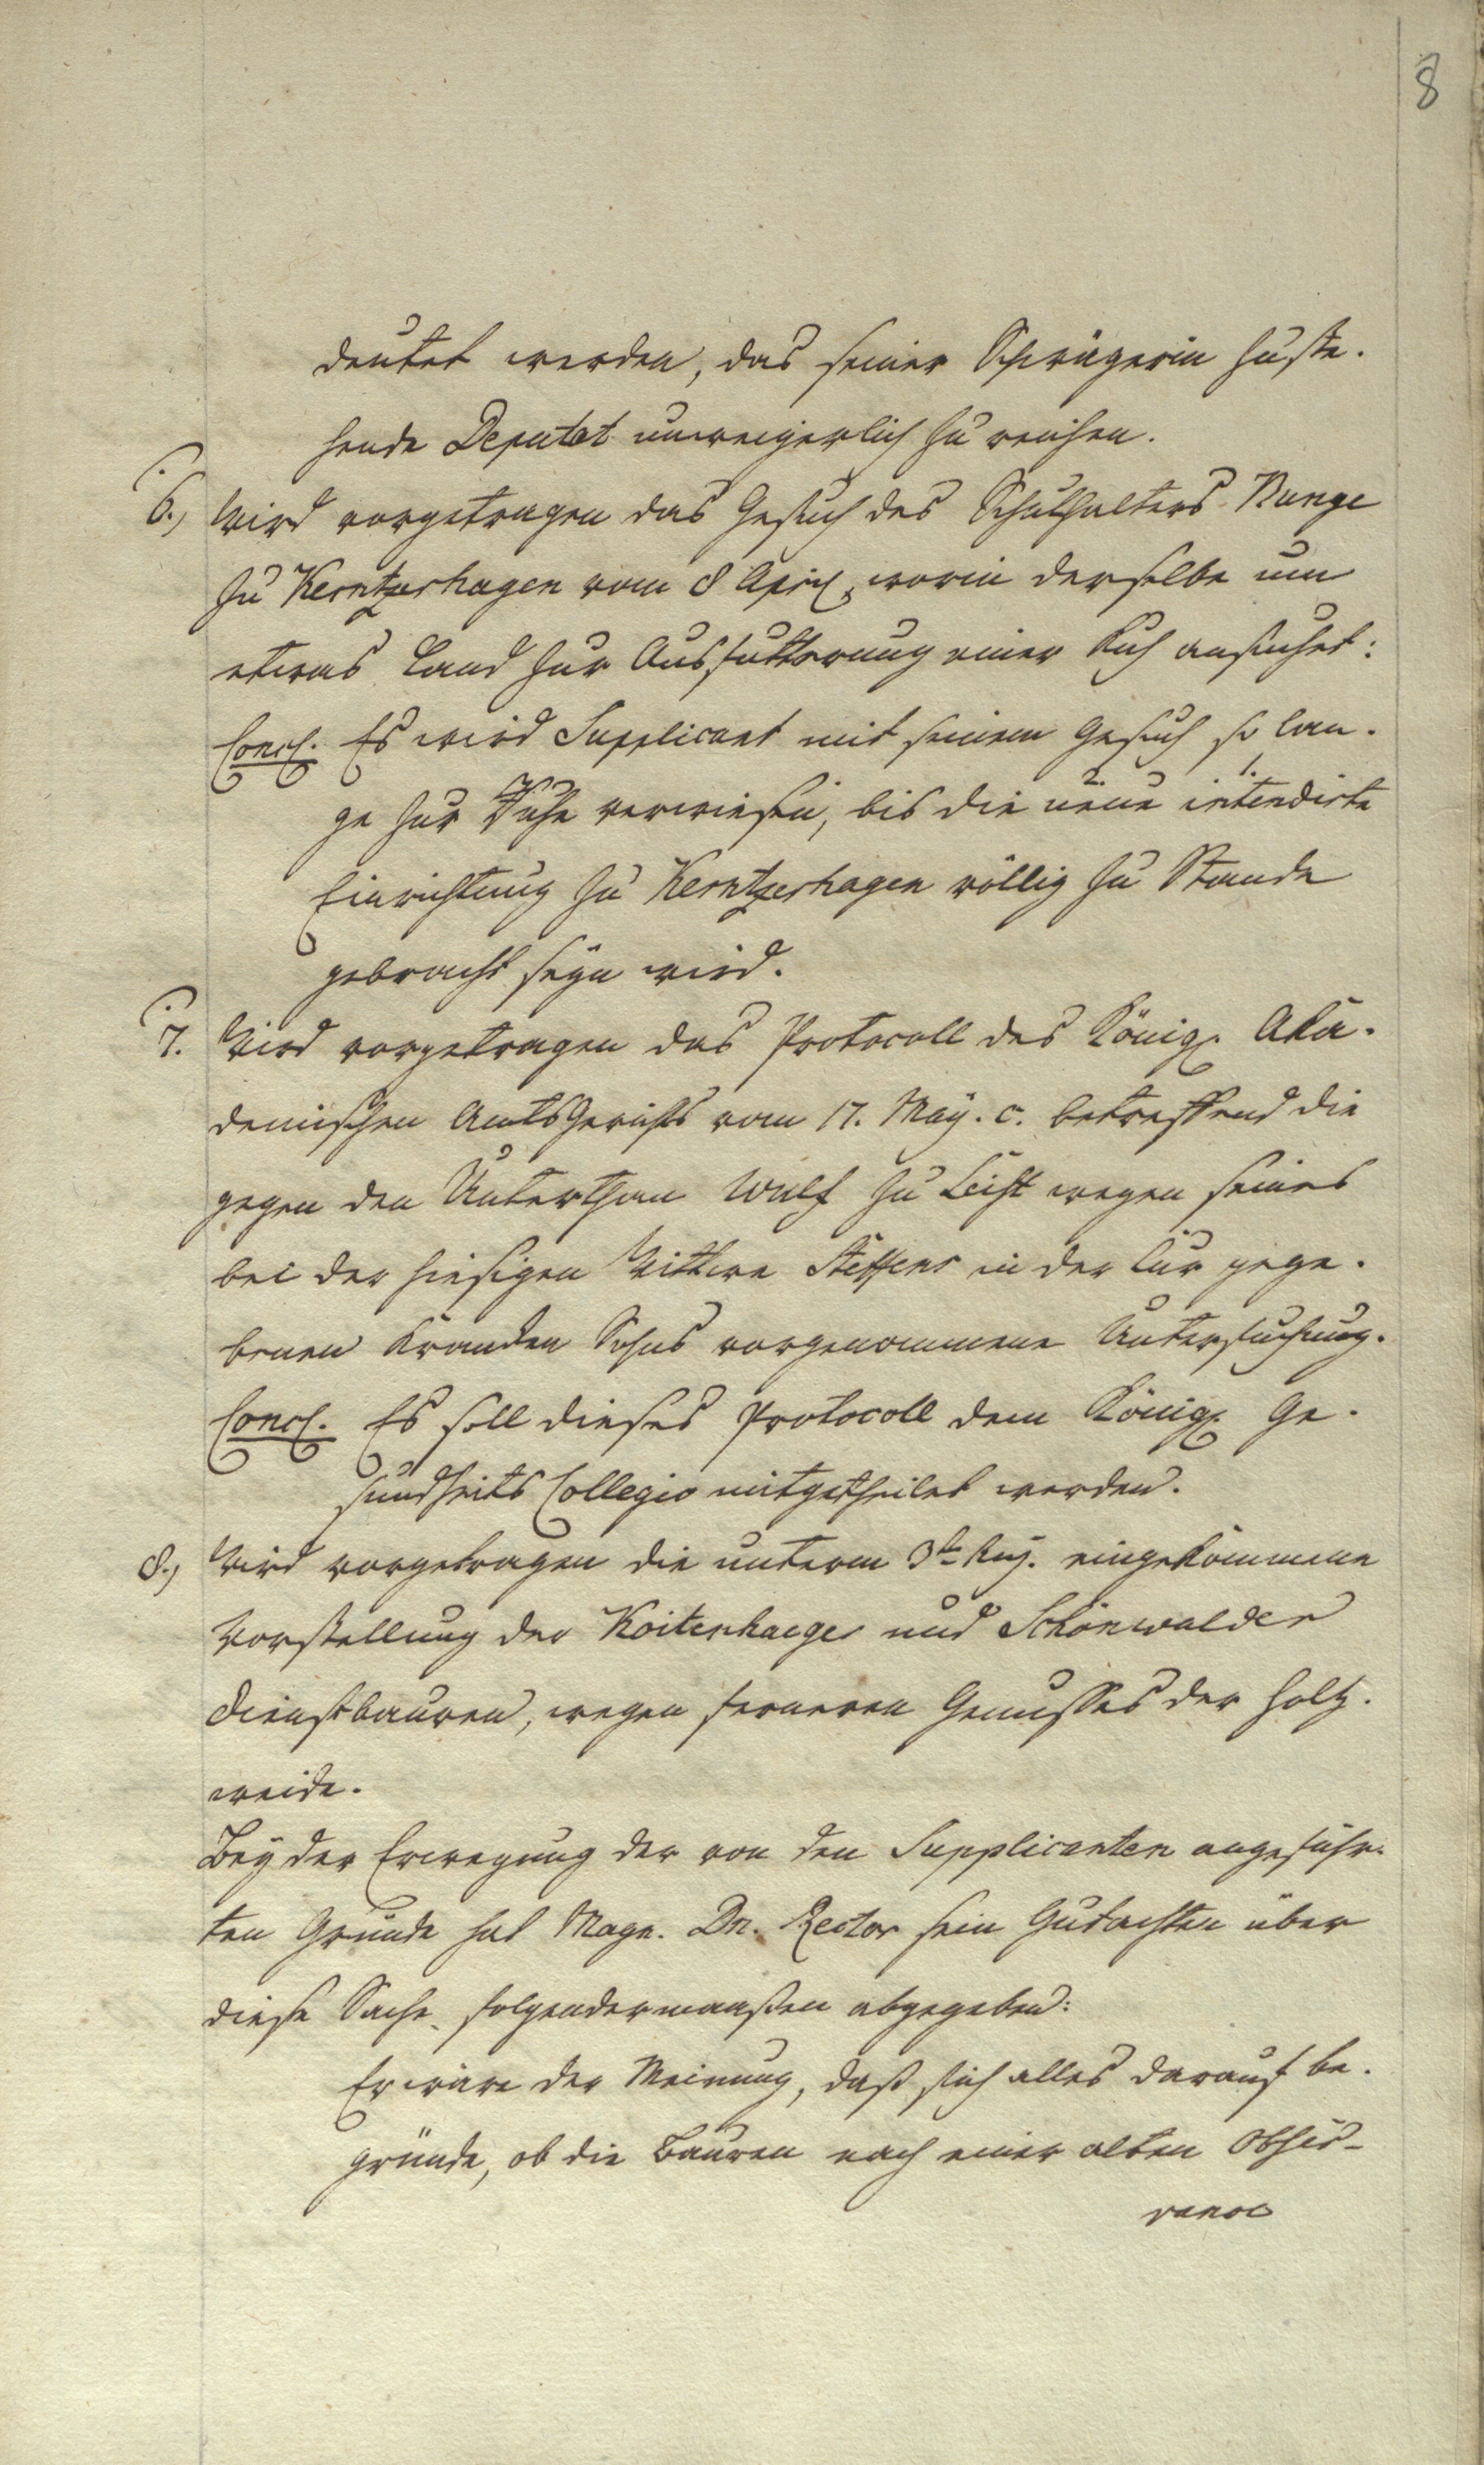deutet werden, das seiner Schwägerin zuste¬
hende Deputat unweigerlich zu reichen.
6., Wird vorgetragen das Gesuch des Schulhalters Bunge
zu Kemtzerhagen vom 8 April. worin derselbe um
etwas Land zur Ausfutterung einer Kuh ansuchet:
Concl. Es wird Supplicant mit seinem Gesuch so lan¬
ge zur Ruhe verwiesen, bis die neue intendirte
Einrichtung zu Kemtzerhaben völlig zu Stande
gebracht seyn wird.
7. Wird vorgetragen das Protocoll des Königl. Aka¬
demischen Amts Gerichts vom 17. May. c. betreffend die
gegen den Unterhan Wulf zu Leist wegen seines
bei der hiesigen Wittwe Steffens in der Cur gege¬
benen kranken Sohns vorgenommene Untersuchung.
Concl. Es soll dieses Protocoll dem Königl. Ge¬
sundheits Collegio mitgetheilet werden.
8., Wird vorgetragen die unterm 3ten huj. eingekommene
Vorstellung der Koitenhaeger und Schönwalder
Dienstbauren, wegen ferneren Genusses der Holz¬
weide.
Bey der Erwegung der von den Supplicanten angeführ¬
ten Gründe hat Magn. Dn. Recotr sein Gutachten über
diese Sache folgendermaaßen abgegeben:
Er wäre der Meinung, daß sich alles darauf be¬
gründe, ob die Bauren nach einer alten Obser¬
vance